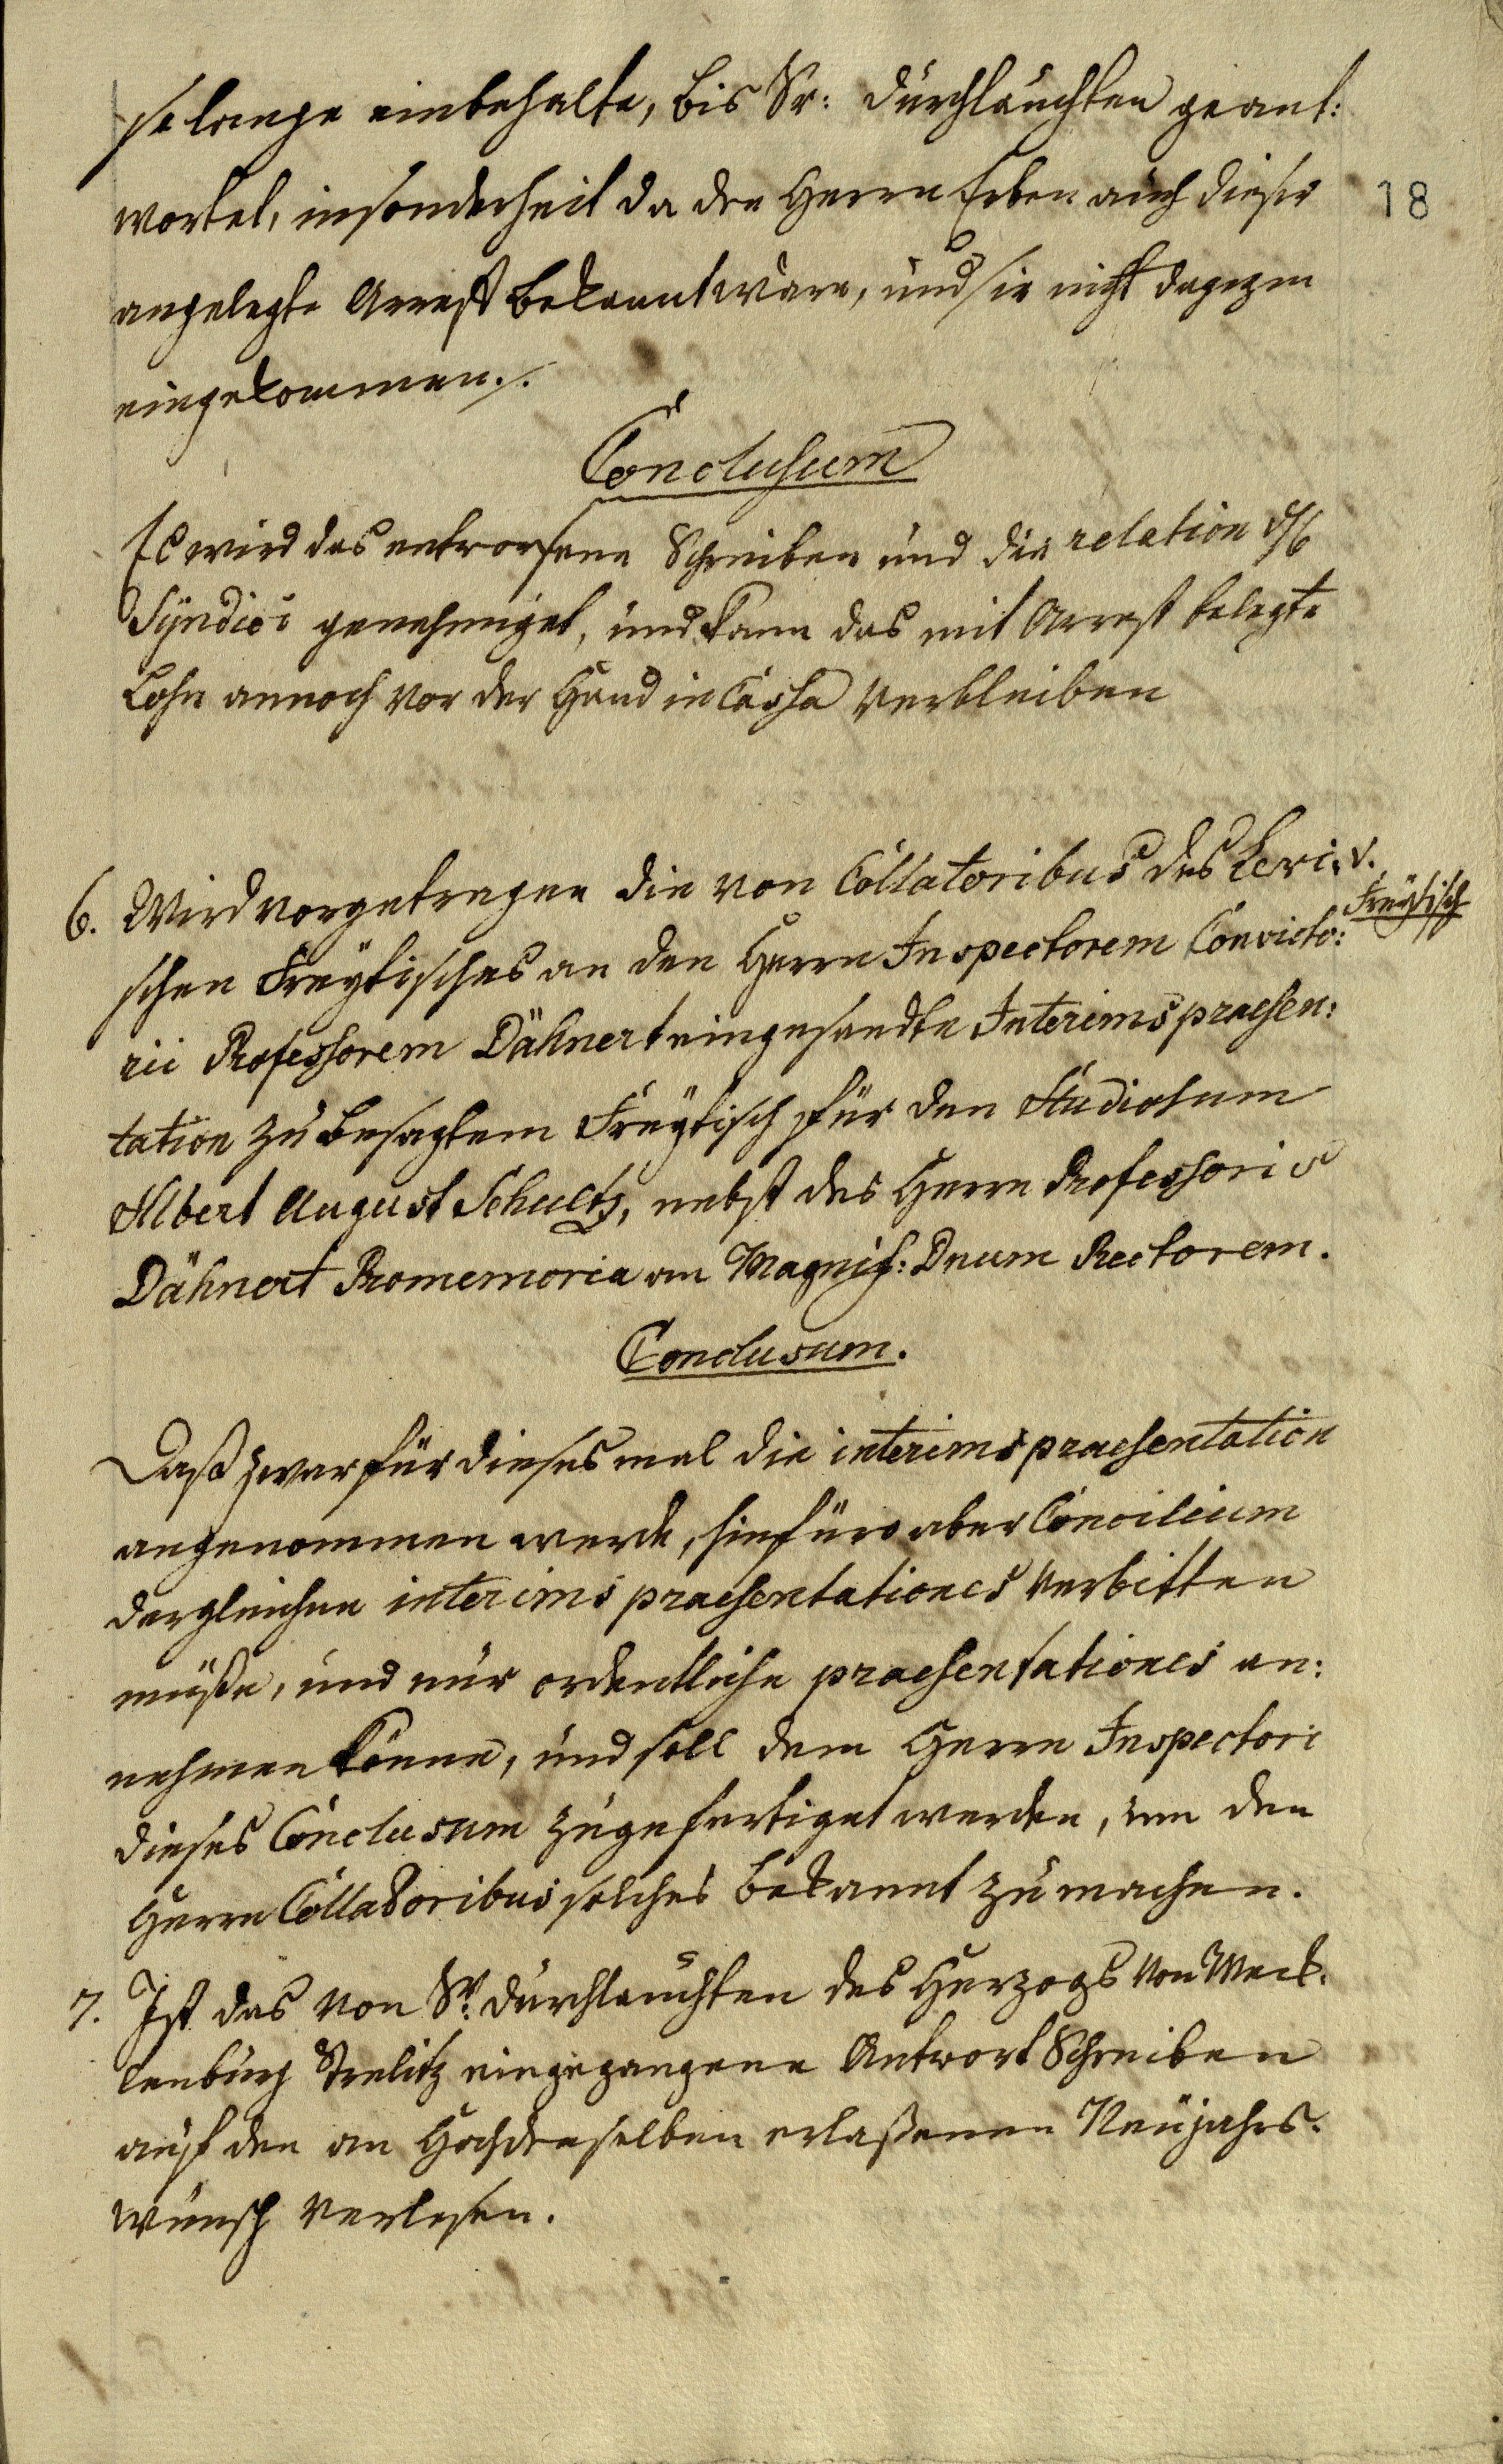solange einbehalte, bis Sr. Durchlauchten geant¬
wortet, insonderheit da den Herrn Erben auch dieser
angelegte Arrest bekannt wäre, und sie nicht dagegen
eingekommen.
Conclusum
Es wird das entworfene Schreiben und die relation dh
Sÿndici genehmiget, und kann das mit Arrest belegte
Lohn annoch vor der Hand in Cassa verbleiben.
6. Wird vorgetragen die von Collatoribus des Levi¬
schen Freÿtisches an den Herrn Inspectorem Convicto¬ Freÿtisch
rii Professorem Dähnert eingesandte Interimspraesen¬
tation zu besagtem Freÿtisch für den Studiosum
Albert August Schultz, nebst des Herrn Professoris
Dähnert Promemoria an Magnif. Dnum Rectorem.
Conclusum.
Daß zwar für dieses mal die interimspraesentation
angenommen werde, hiefüro aber Concilium
dergleichen interimspraesentationes verbitten
müße, und nur ordentliche praesentationes an¬
nehmen können, und soll dem Herrn Inspectori
dieses Conclusum zugefertiget werden, um den
Herrn Collatoribus solches bekannt zu machen.
7. Ist das von Sr. Durchlauchten des Herzogs von Meck¬
lenburg Strelitz eingegangene Antwort Schreiben
auf den an Hochdenselben erlaßenen Neujahres¬
Wunsch verlesen.